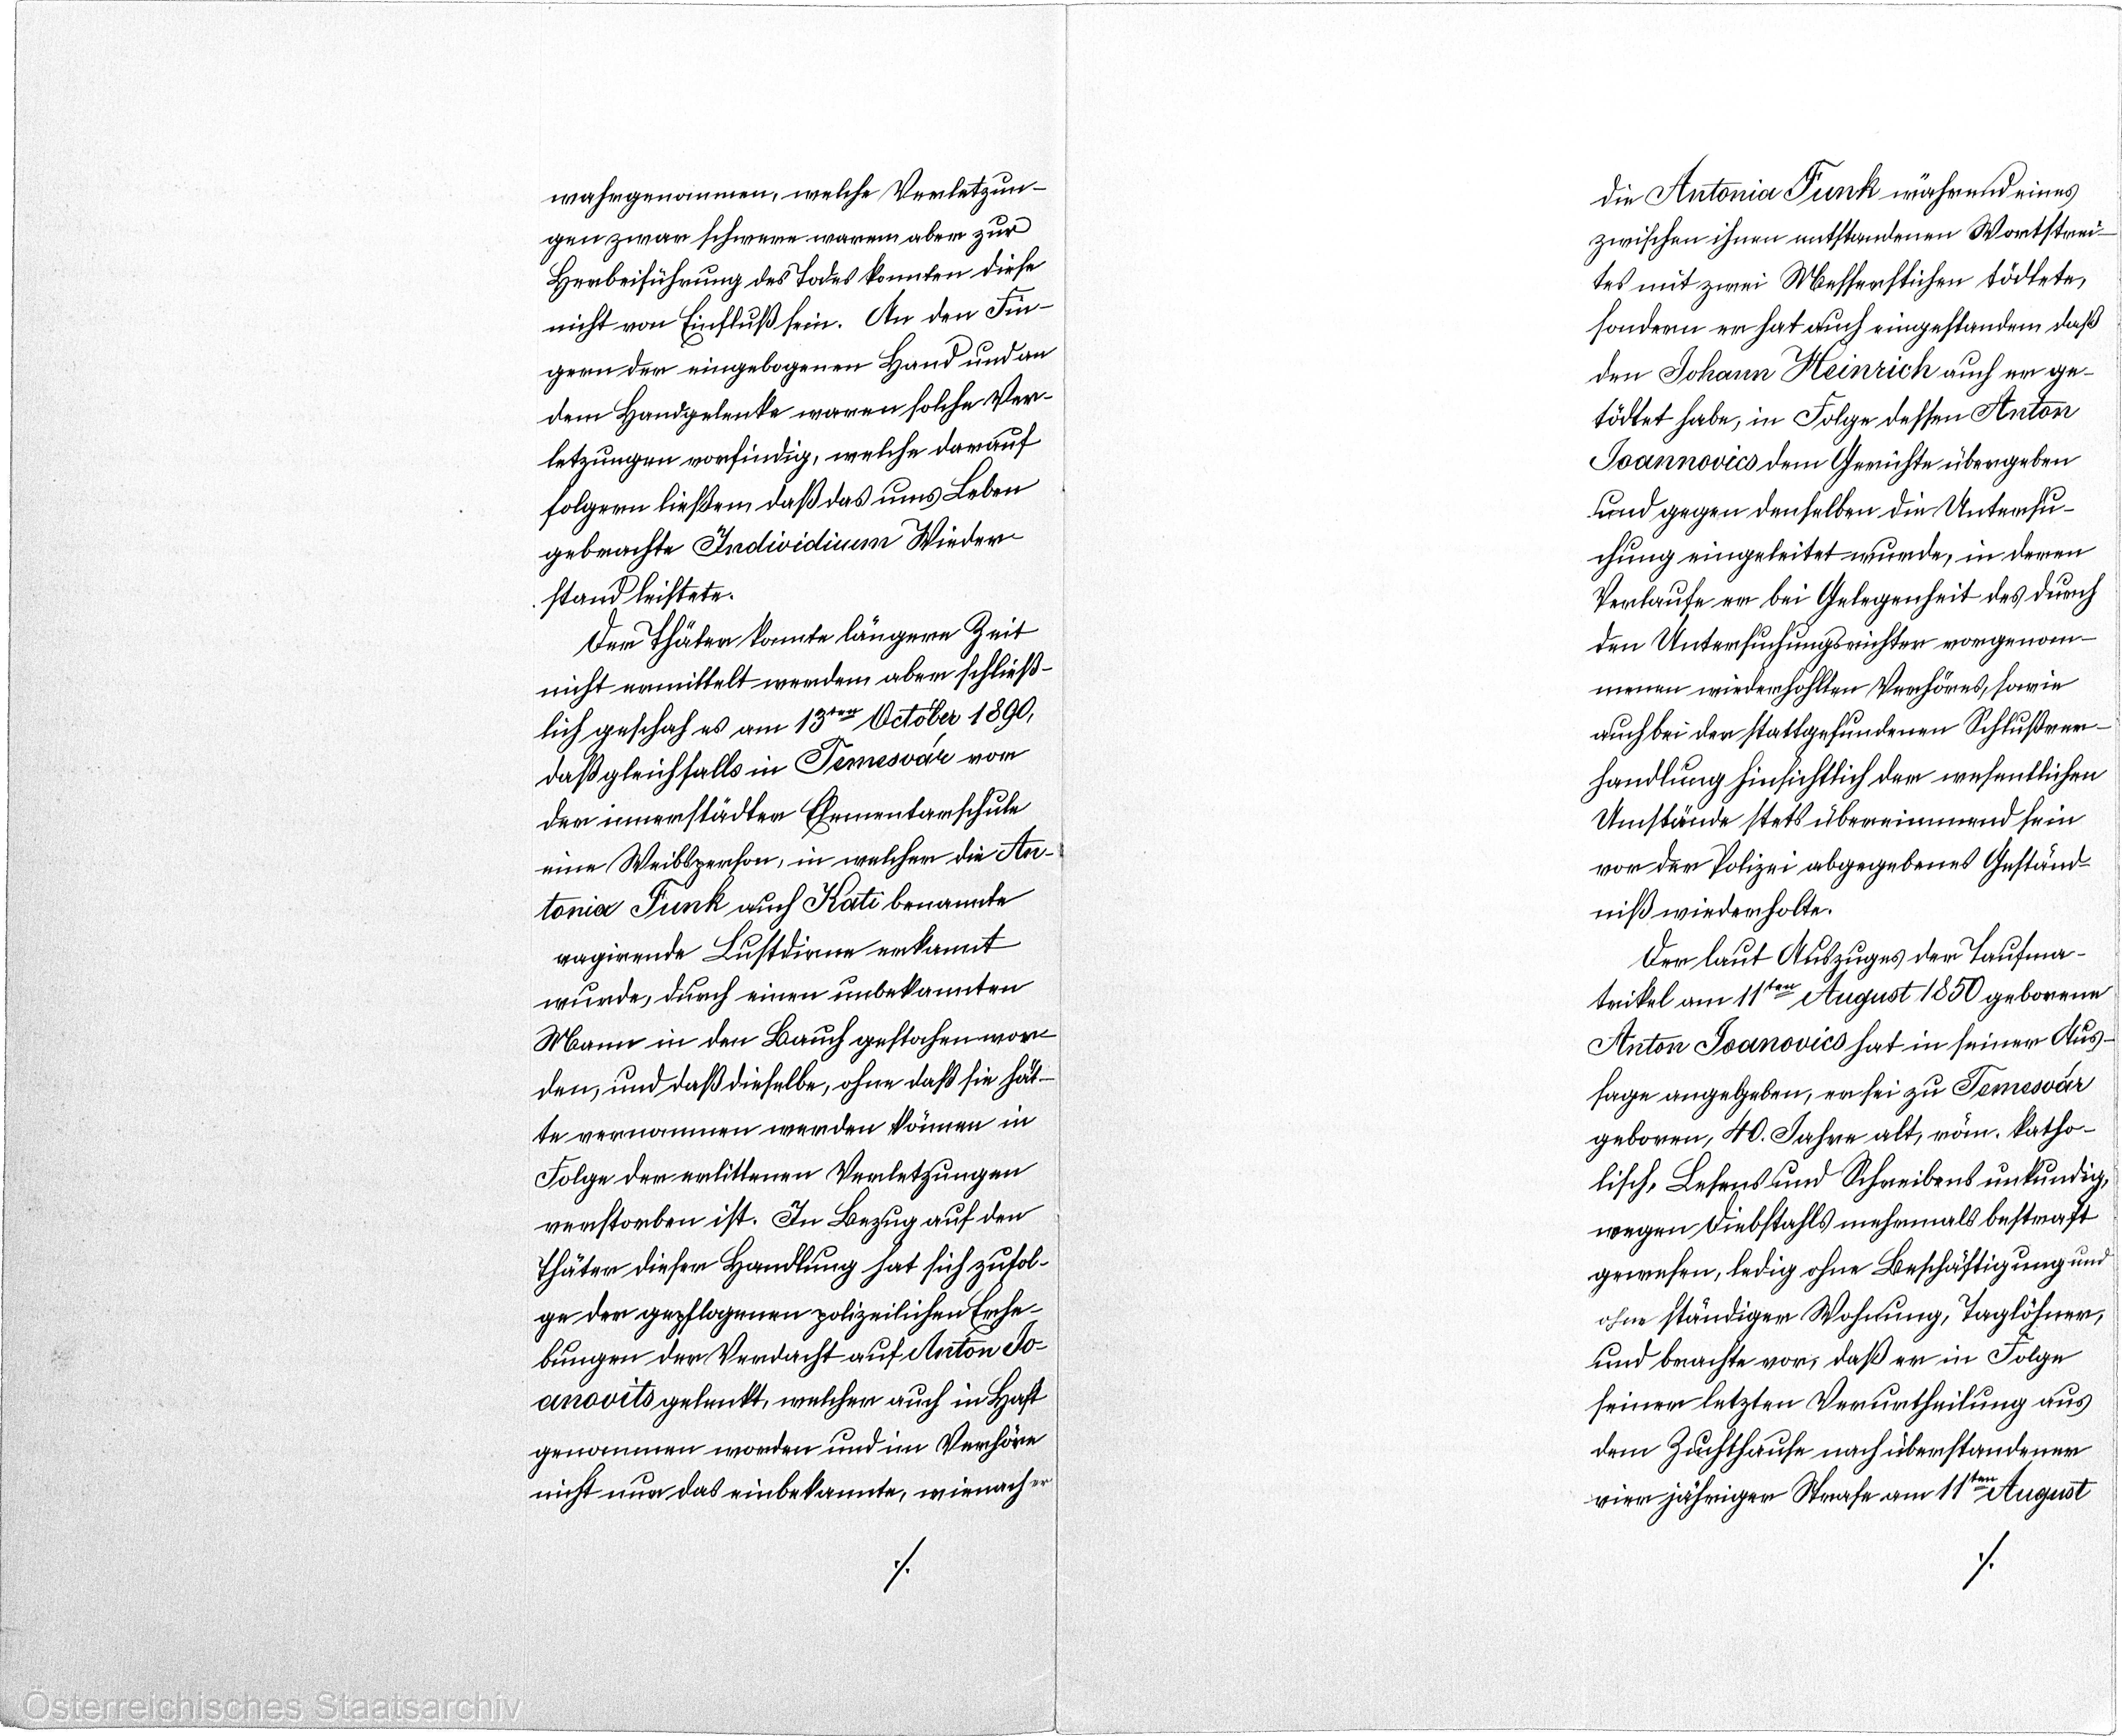wahrgenommen, welche Verletzun¬
gen schwere waren aber zur
Herbeiführung des Todes konnten diese
nicht von Einfluß sein. An den Fin¬
gern der eingebogenen Hand und an
dem Handgelenke waren solche Ver¬
letzungen vorfindig, welche darauf
folgern ließen, daß das ums Leben
gebrachte Individium Wieder¬
stand leistete.
Dem Thäter konnte längere Zeit
nicht ermittelt werden aber schließ¬
lich geschah es am 13ten October 1890,
daß gleichfalls in Temesvár vor
der innerstädter Elementarschule
eine Weibsperson, in welcher die An¬
tonia Funk auch Kati benannte
vagirende Lustdirne erkannt
wurde, durch einen unbekannten
Mann in den Bauch gestochen wor¬
den, und daß dieselbe, ohne das sie hät¬
te vernommen werden können in
Folge der erlittenen Verletzungen
verstorben ist. In Bezug auf den
Thäter dieser Handlung hat sich zufol¬
ge der gepflogenen polizeilichen Erhe¬
bungen der Verdacht auf Anton Jo¬
anovits gelenkt, welcher auch in Haft
genommen worden und im Verhöre
nicht nur das einbekannte, wienach er
die Antonia Funk während eines
zwischen ihnen entstandenen Wortstrei¬
tes mit zwei Messerstiche tödtete,
sondern er hat auch eingestanden daß
den Johann Heinrich auch er ge¬
tödtet habe, in Folge dessen Anton
Joannovics dem Gerichte übergeben
und gegen denselben die Untersu¬
chung eingeleitet wurde, in deren
Verlaufe er bei Gelegenheit des durch
den Untersuchungsrichter vorgenom¬
men wiederholten Vehöres, sowie
auch bei der stattgefundenen Schlußver¬
handlung hinsichtlich der wesentlichen
Umstände stets übereinerend sein
vor der Polizei abgegebenes Geständ¬
niß wiederholte.
Der laut Auszuges der Taufma¬
trikel am 11ten August 1850 geborene
Anton Ioanovics hat in seiner Aus¬
sage angegeben, er sei zu Temesvár
geboren, 40 Jahre alt, röm. Katho¬
lisch, Lesens und Schreibens unkundig,
wegen Diebstahls mehrmals bestraft
gewesen, ledig ohne Beschäftigung und
ohne ständiger Wohnung, Taglöhner,
und brachte vor, daß er in Folge
seiner letzten Verurtheilung aus
dem Zuchthause nach überstandener
vierjähriger Strafe am 11ten August